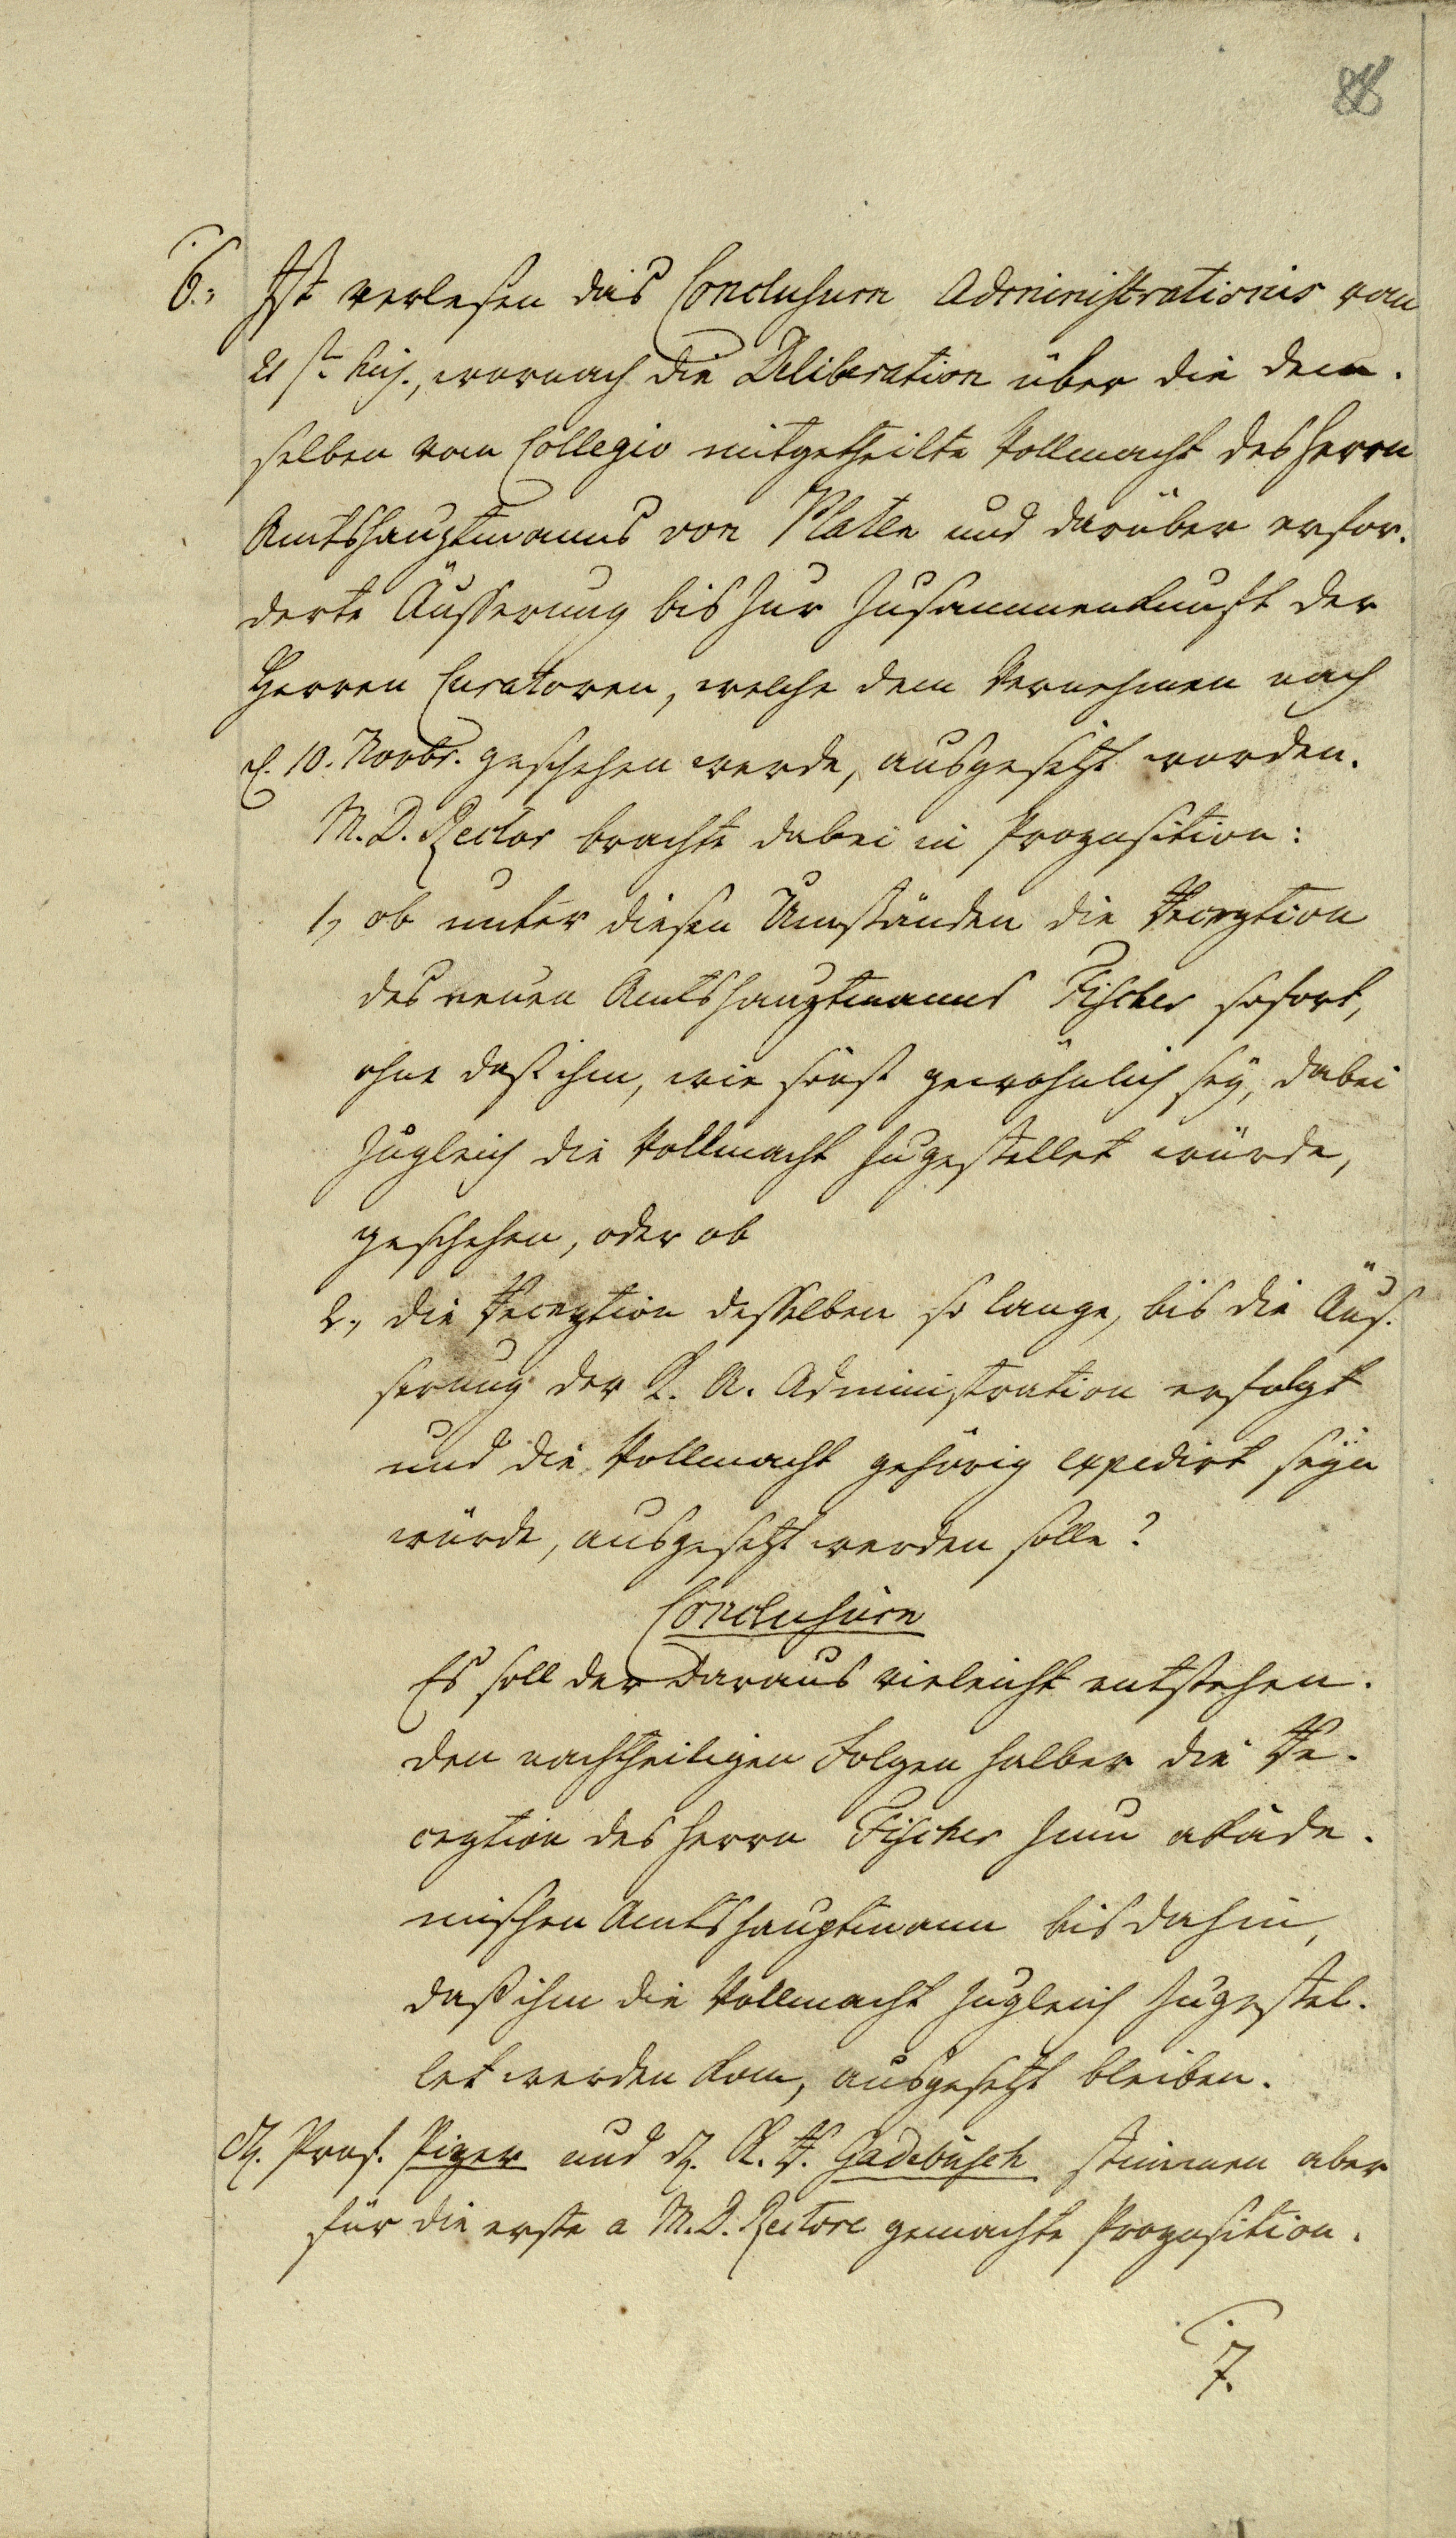6., Ist verlesen das Conclusum Administrationis vom
21 st. huj., wornach die Deliberation über die dem¬
selben vom Collegio mitgetheilte Vollmacht des Herrn
Amtshauptmanns von Platen und darüber erfor¬
derte Äusserung bis zur Zusammenkunft der
Herren Curatoren, welche dem Vernehmen nach
d. 10. Novbr. geschehen werde, ausgesetzt worden.
M. D. Rector brachte dabei in Proposition:
1, ob unter diesen Umständen die Reception
des neuen Amtshauptmanns Fischer sofort,
ohne daß ihm, wie sonst gewöhnlich seÿ, dabei
zugleich die Vollmacht zugestellet würde,
geschehen, oder ob
2, die Reception desselben so lange, bis die Äus¬
serung der K. A. Administration erfolgt
und die Vollmacht gehörig expedirt seÿn
würde, ausgesetzt werden solle?
Conclusum
Es soll der daraus vieleicht entstehen¬
den nachtheiligen Folgen halber die Re¬
ception des Herrn Fischer zum akade¬
mischen Amtshauptmann bis dahin,
daß ihm die Vollmacht zugleich zugestel¬
let werden kan, ausgesetzt bleiben.
dh. Prof. Piper und dh. K. R. Gadebusch stimmen aber
für die erste a M. D. Rectore gemachte Proposition
7.